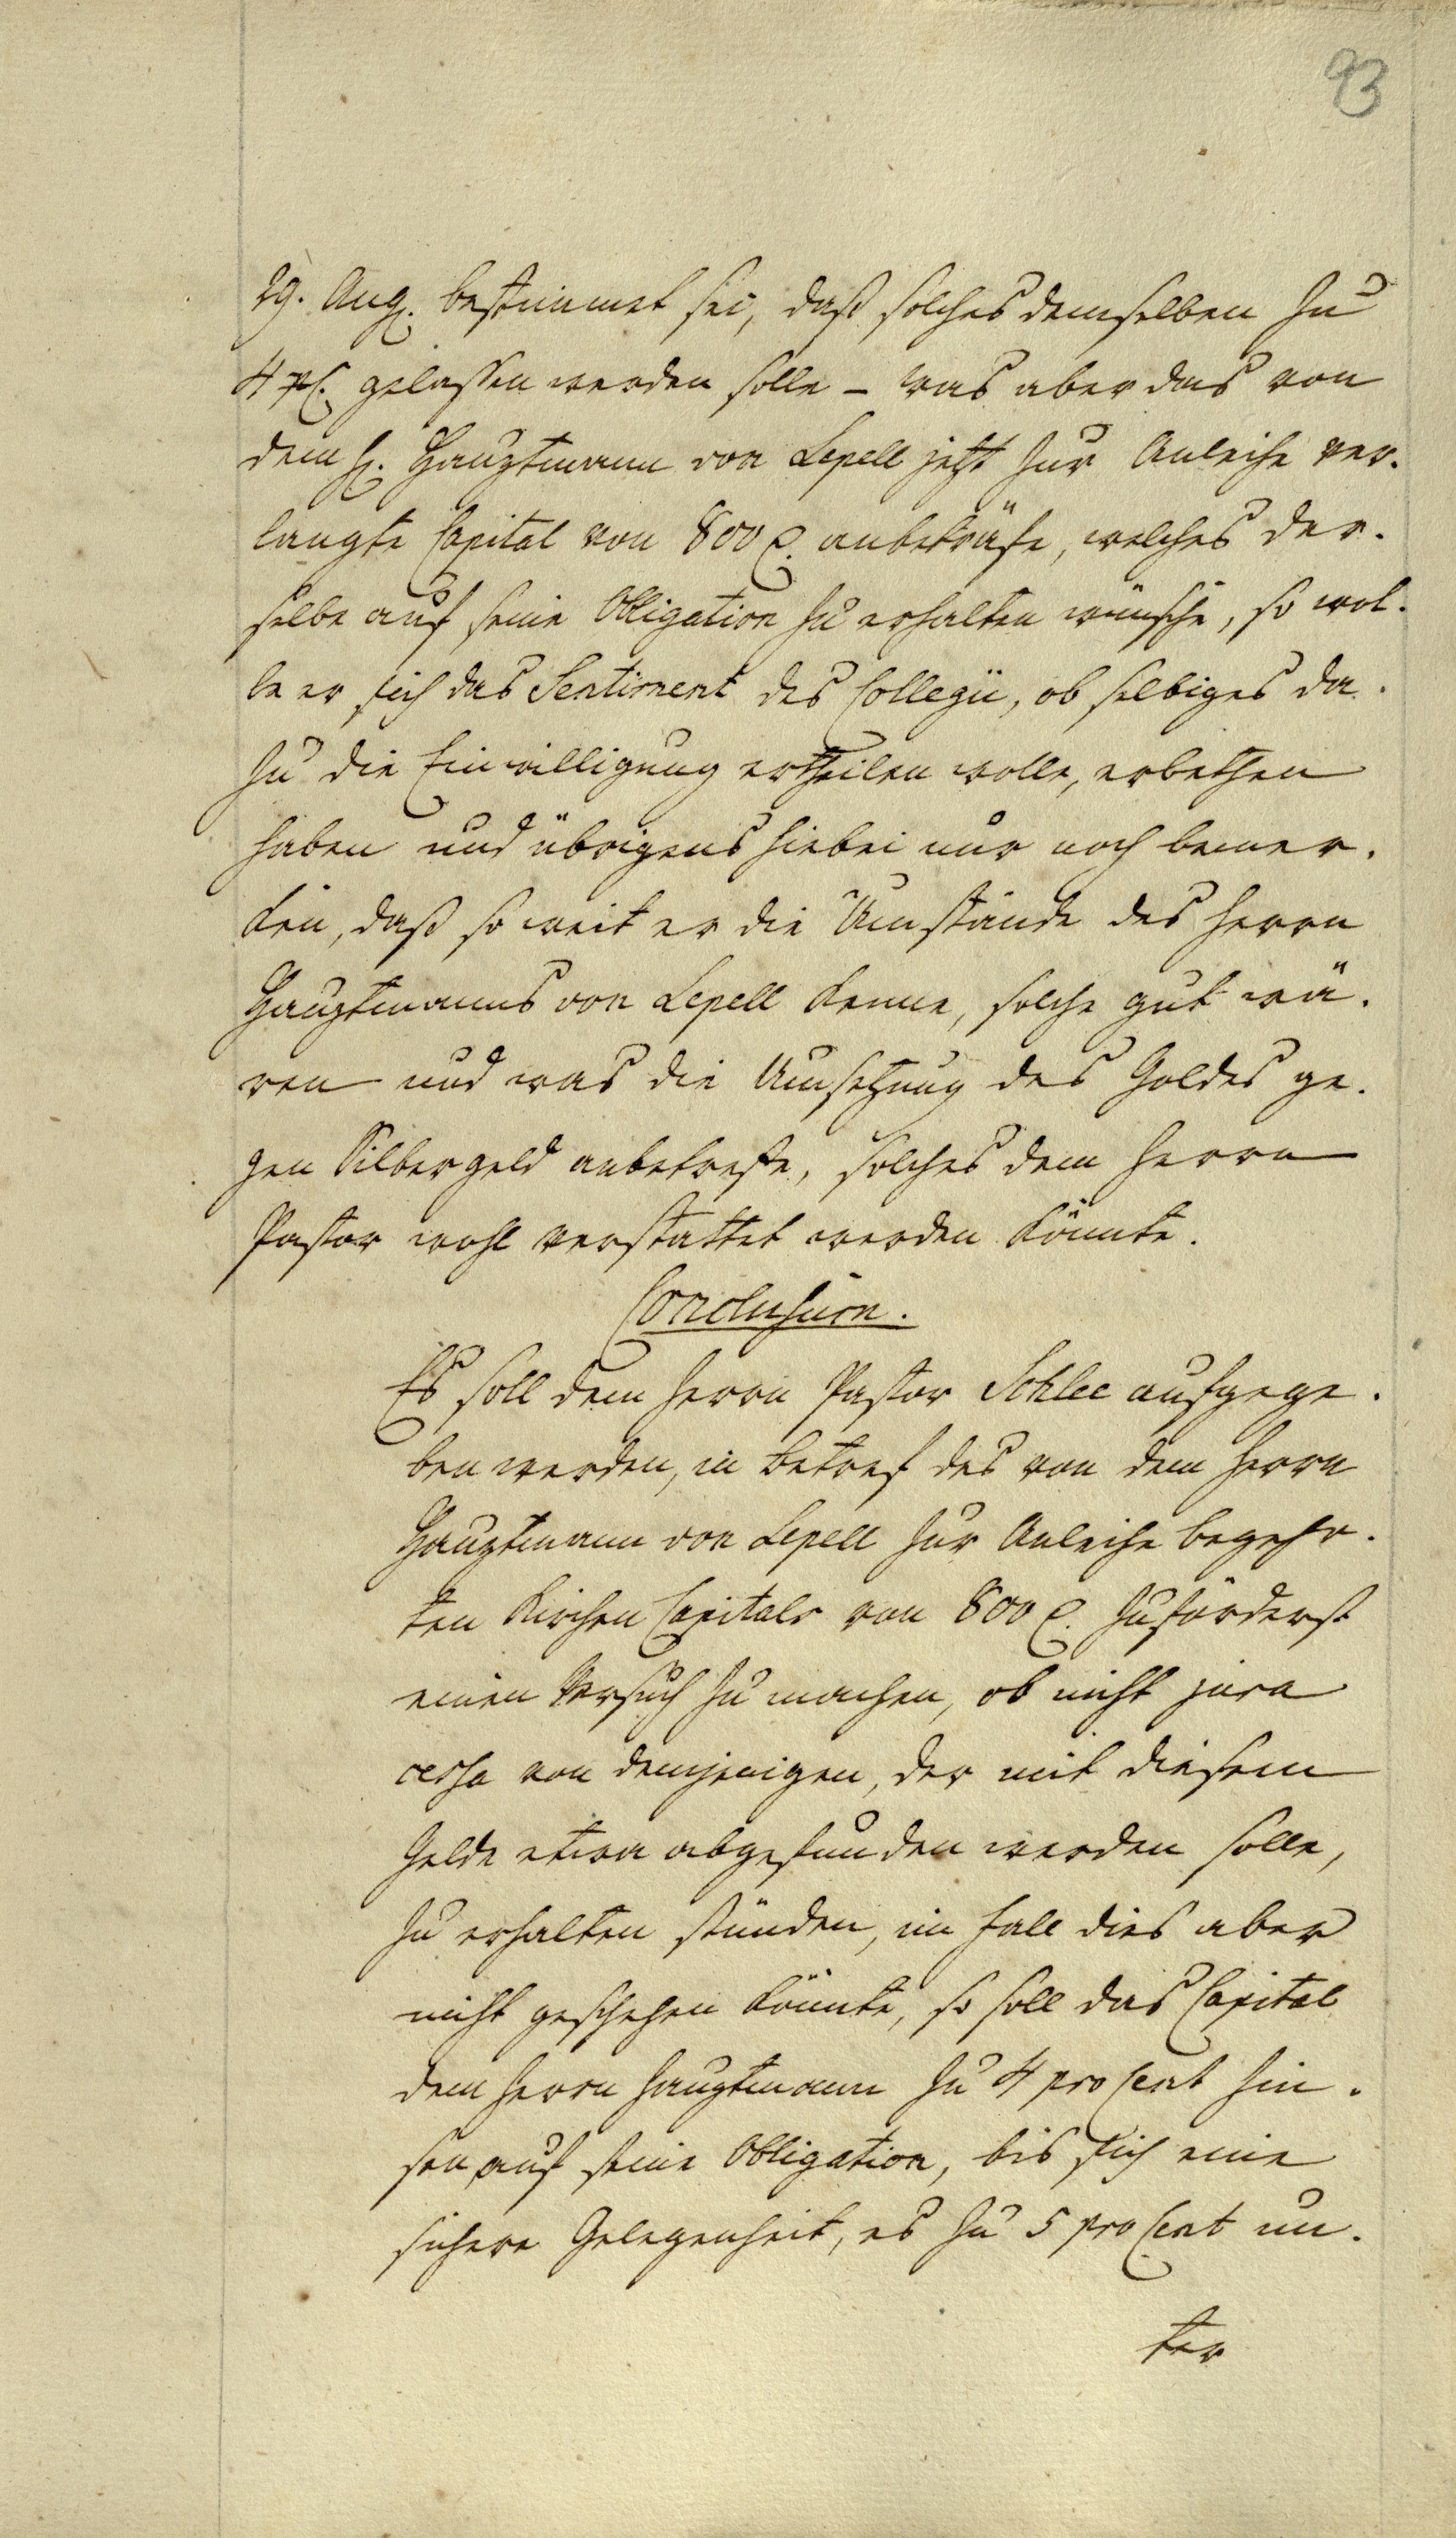29. Aug. bestimmet sei, daß solches demselben zu
4 pl. gelassen werden solle - Was aber das von
dem H. Hauptmann von Lepell jetzt zur Anleihe ver¬
langte Capital von 800 c. anbeträfe, welches der¬
selbe auf seine Obligation zu erhalten wünsche, so wol¬
le er sich das Sentiment des Collegii, ob selbiges da¬
zu die Einwilligung ertheilen wolle, erbethen
haben und übrigens hiebei nur noch bemer¬
ken, daß so weit er die Umstände des Herrn
Hauptmanns von Lepell kenne, solche gut wä¬
ren und was die Umsetzung des Goldes ge¬
gen Silbergeld anbetreffe, solches dem Herrn
Pastor wohl verstattet werden könnte.
Conclusum
Es soll dem Herrn Pastor Schlee aufgege¬
ben werden, in Betref des von dem Herrn
Hauptmann von Lepell zur Anleihe begehr¬
ten Kirchen Capitals von 800 l. zuförderst
einen Versuch zu machen, ob nicht jura
cessa von demjenigen, der mit diesem
Gelde etwa abgefunden werden solle,
zu erhalten stünden, im Fall dies aber
nicht geschehen könnte, so soll das Capital
dem Herrn Hauptmann zu 4 pro Cent Zin¬
sen auf seine Obligation, bis sich eine
sichere Gelegenheit, es zu 5 pro Cent un¬
ter